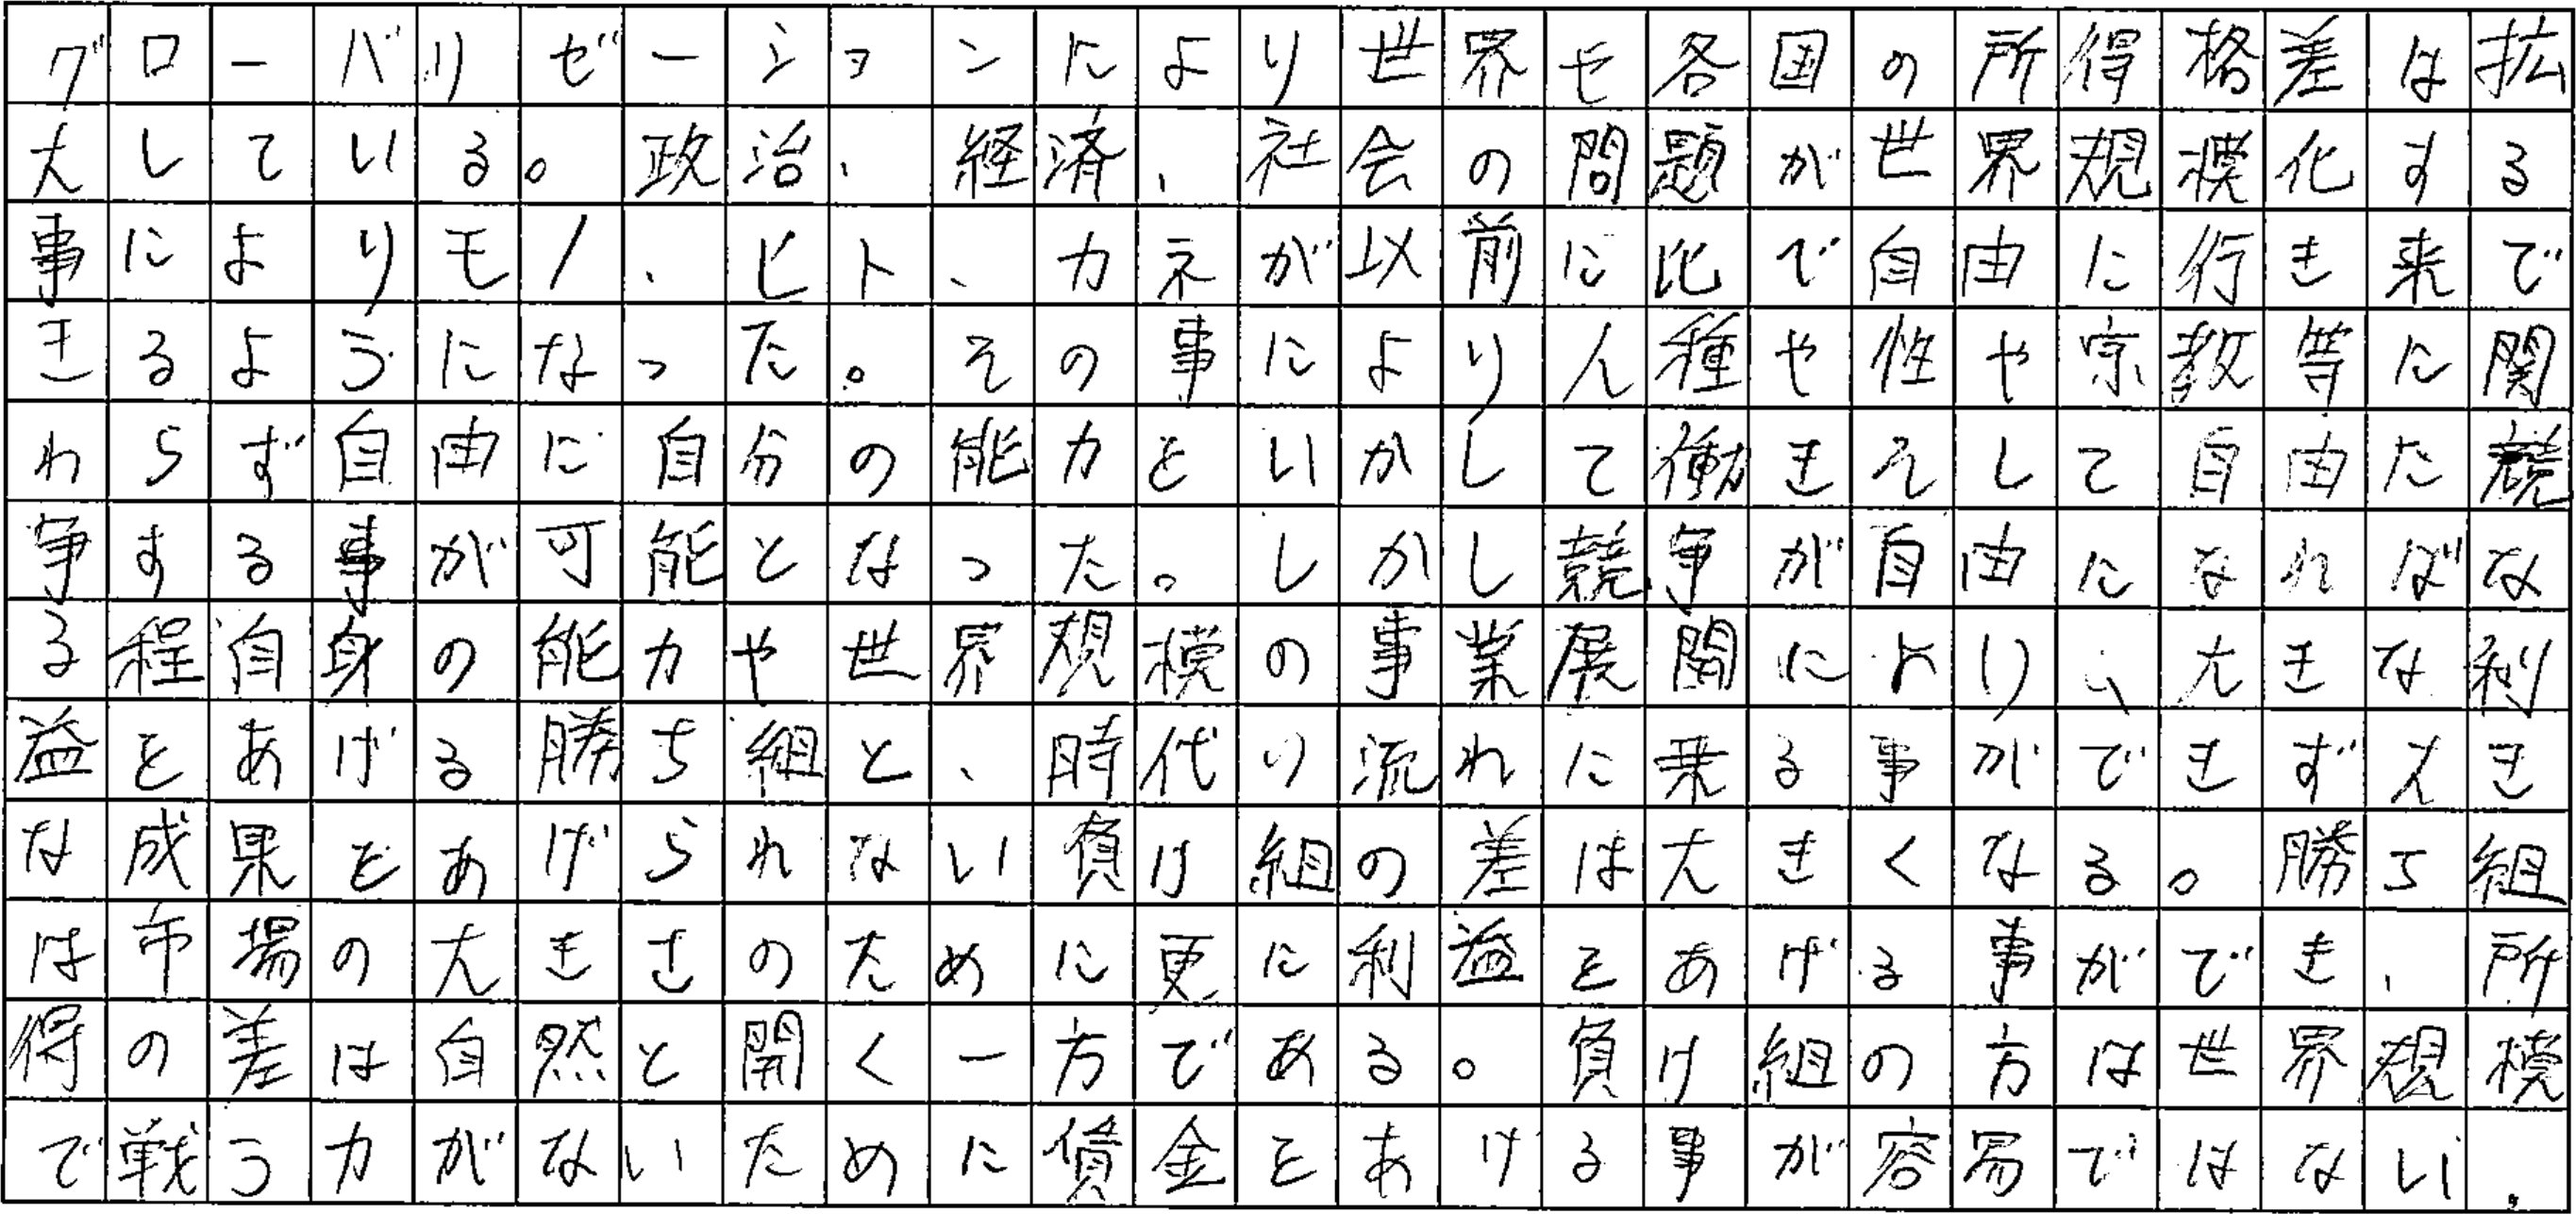グローバリゼーションにより世界や各国の所得格差は拡大している。政治、経済、社会の問題が世界規模化する事によりモノ、ヒト、カネが以前に比べ自由に行き来できるようになった。その事により人種や性や宗教等に関わらず自由に自分の能力をいかして働きそして自由に競争する事が可能となった。しかし競争が自由になればなる程自身の能力や世界規模の事業展開により、大きな利益をあげる勝ち組と、時代の流れに乗る事ができず大きな成果をあげられない負け組の差は大きくなる。勝ち組は市場の大きさのために更に利益をあげる事ができ、所得の差は自然と開く一方である。負け組の方は世界規模で戦う力がないために賃金をあげる事が容易ではない。
